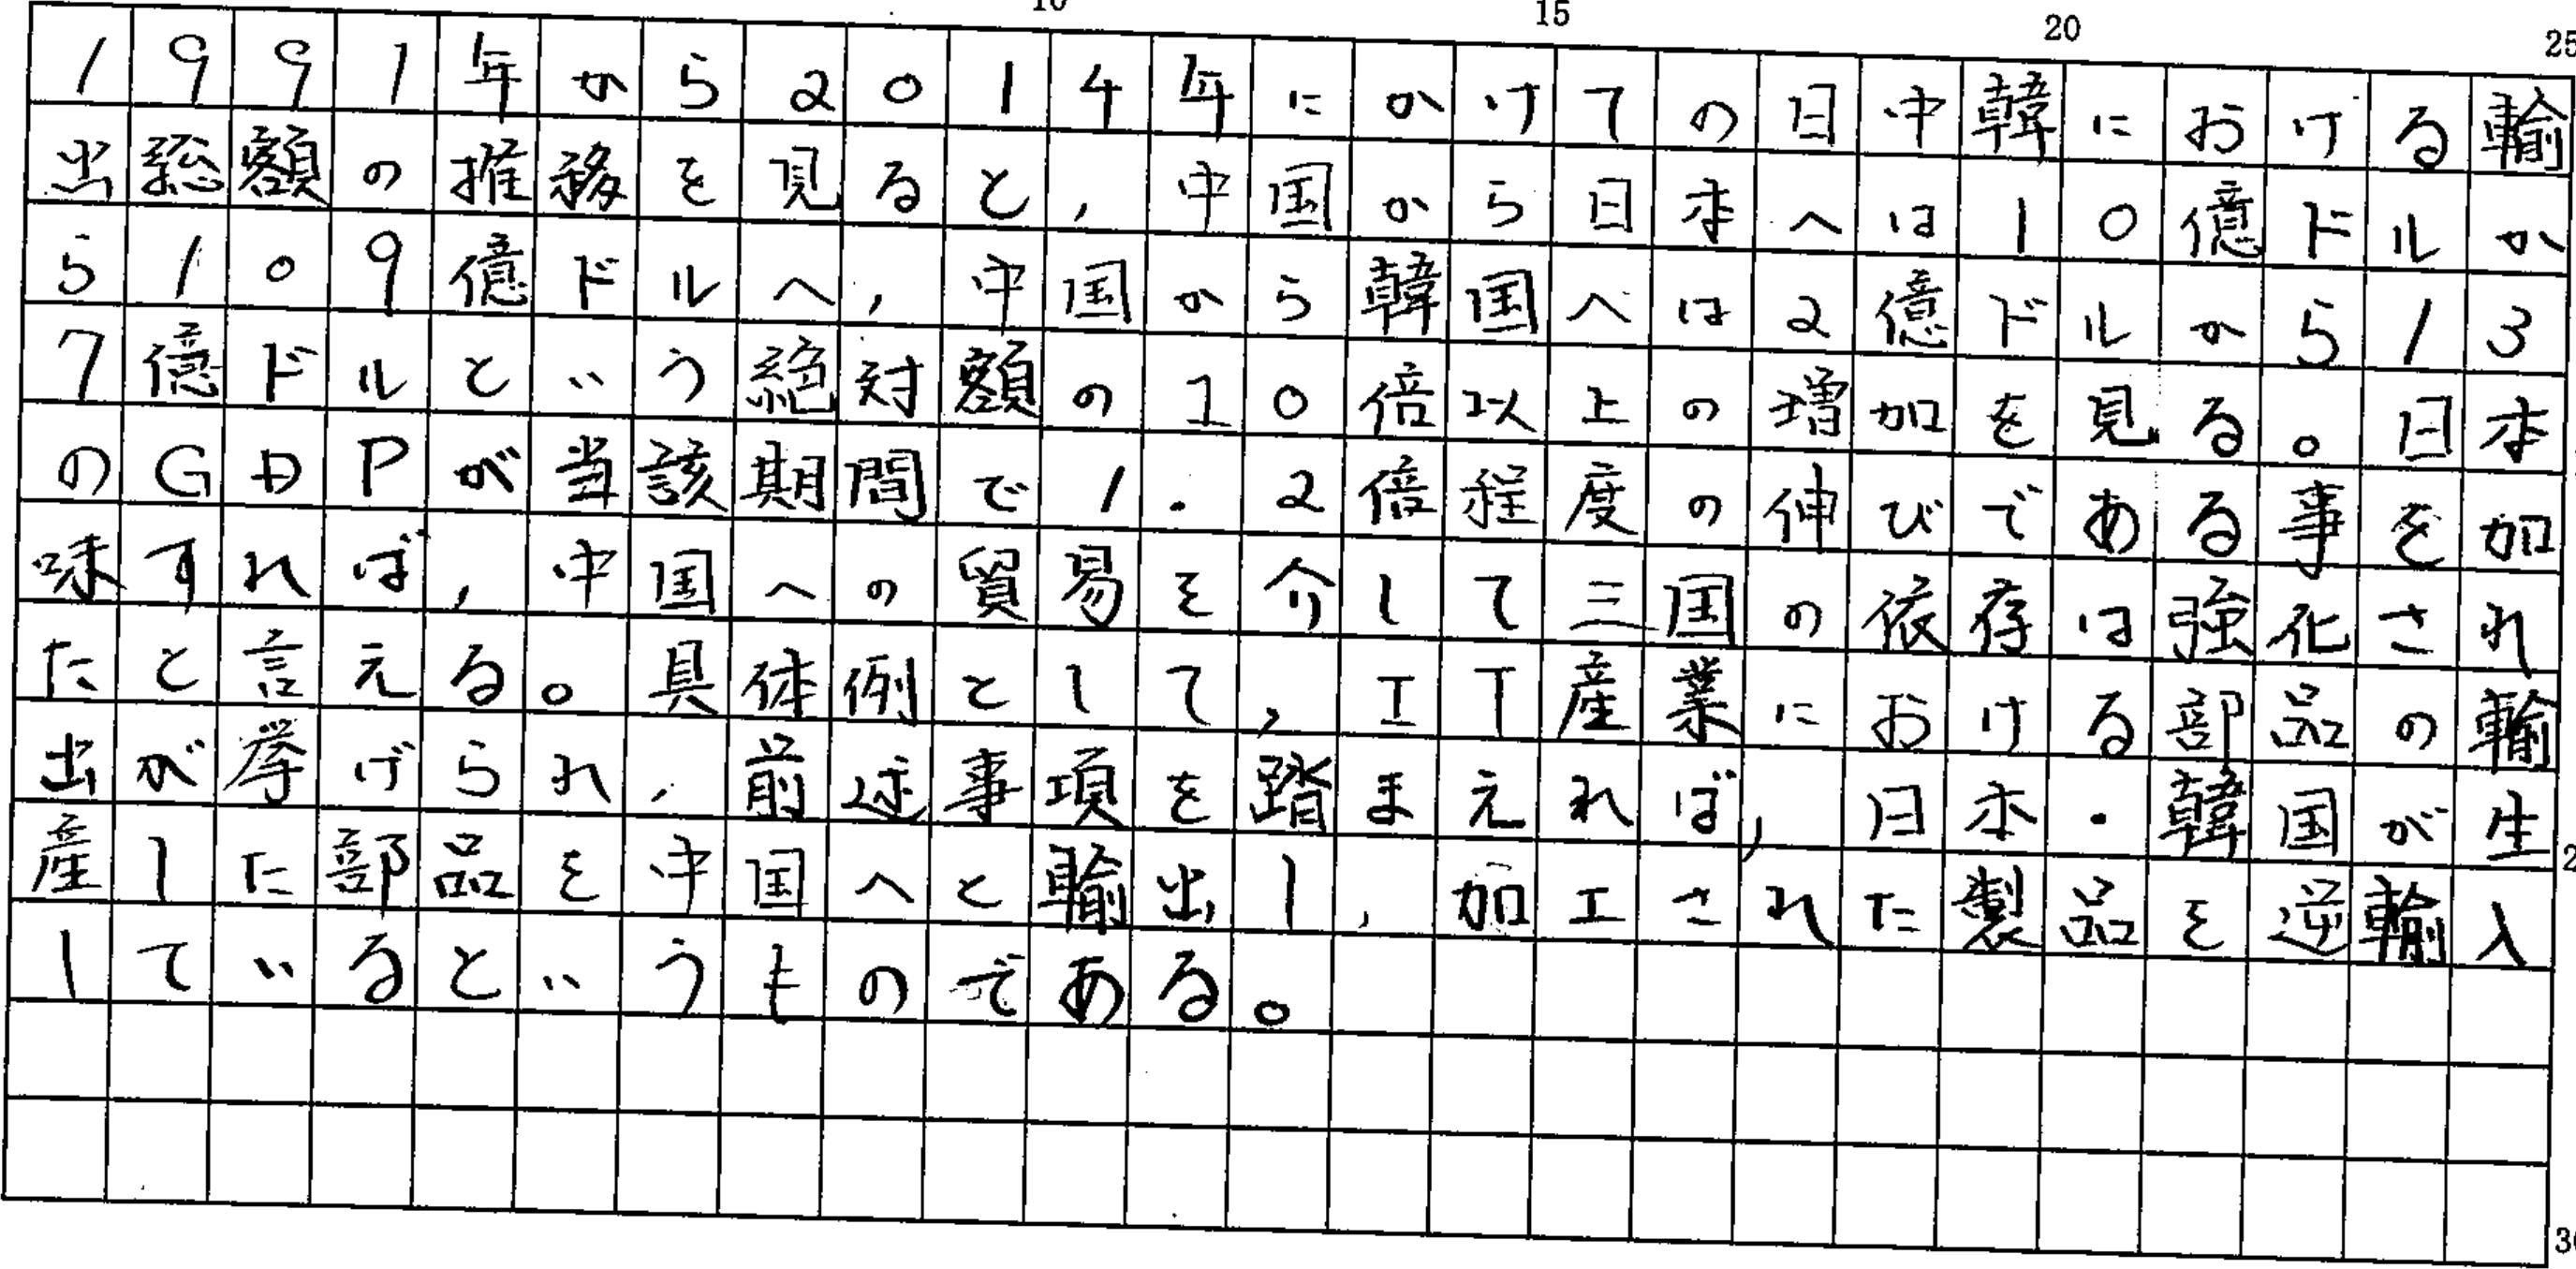１９９１年から２０１４年にかけての日中韓における輸出総額の推移を見ると，中国から日本へは１０億ドルから１０９億ドルへ，中国から韓国へは２億ドルから１３７億ドルという絶対額の１０倍以上の増加を見る。日本のＧＤＰが当該期間で１．２倍程度の伸びである事を加味すれば，中国への貿易を介して三国の依存は強化されたと言える。具体例として，ＩＴ産業における部品の輸出が挙げられ，前述事項を踏まえれば，日本・韓国が生産した部品を中国へと輸出し，加工された製品を逆輸入しているというものである。
